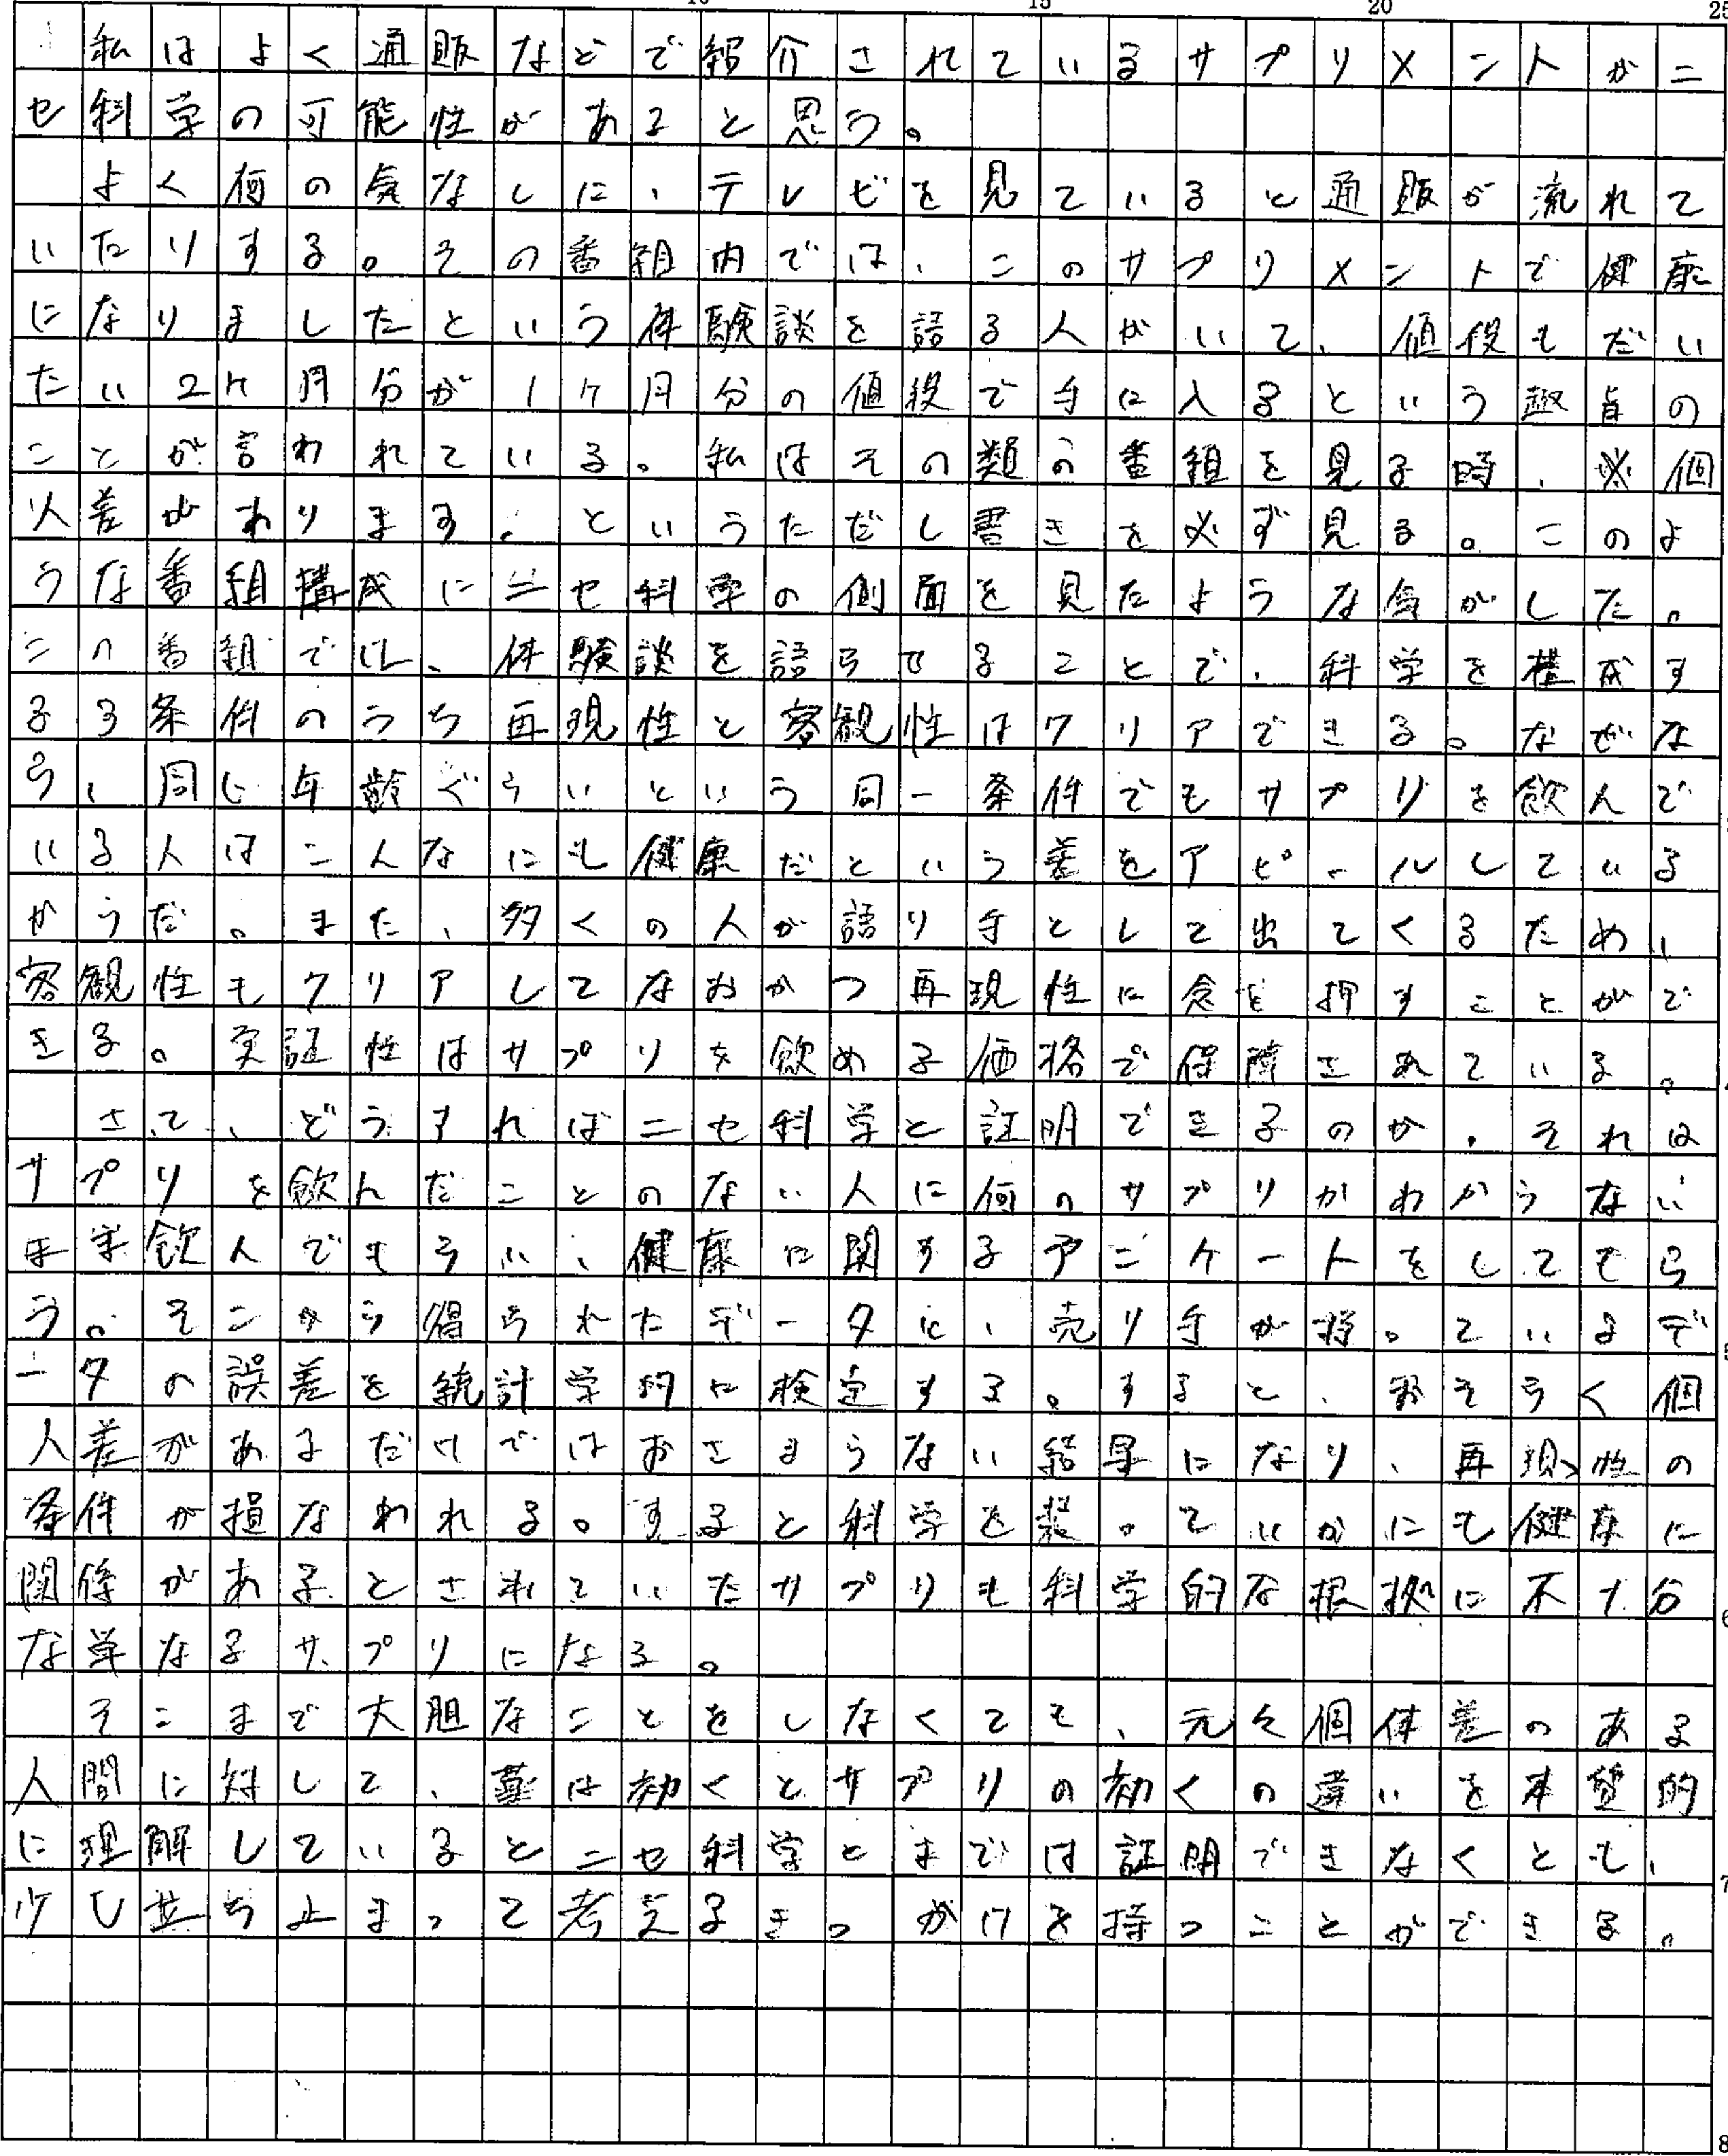　私はよく通販などで紹介されているサプリメントがニセ科学の可能性があると思う。
　よく何の気なしに、テレビを見ていると通販が流れていたりする。その番組内では、このサプリメントで健康になりましたという体験談を語る人がいて、値段もだいたい２ヶ月分が１ヶ月分の値段で手に入るという趣旨のことが言われている。私はその類の番組を見る時、※個人差があります、というただし書きを必ず見る。このような番組構成にニセ科学の側面を見たような気がした。この番組では、体験談を語らせることで、科学を構成する３条件のうち再現性と客観性はクリアできる。なぜなら、同じ年齢ぐらいという同一条件でもサプリを飲んでいる人はこんなにも健康だという差をアピールしているからだ。また、多くの人が語り手として出てくるため、客観性もクリアしてなおかつ再現性に念を押すことができる。実証性はサプリを飲める価格で保障されている。
　さて、どうすればニセ科学と証明できるのか。それはサプリを飲んだことのない人に何のサプリかわからないまま飲んでもらい、健康に関するアンケートをしてもらう。そこから得られたデータと、売り手が持っているデータの誤差を統計学的に検定する。すると、おそらく個人差があるだけではおさまらない結果になり、再現性の条件が損なわれる。すると科学を装っていかにも健康に関係があるとされていたサプリも科学的な根拠に不十分な単なるサプリになる。
　そこまで大胆なことをしなくても、元々個体差のある人間に対して、薬は効くとサプリの効くの違いを本質的に理解しているとニセ科学とまでは証明できなくとも、少し立ち止まって考えるきっかけを持つことができる。
